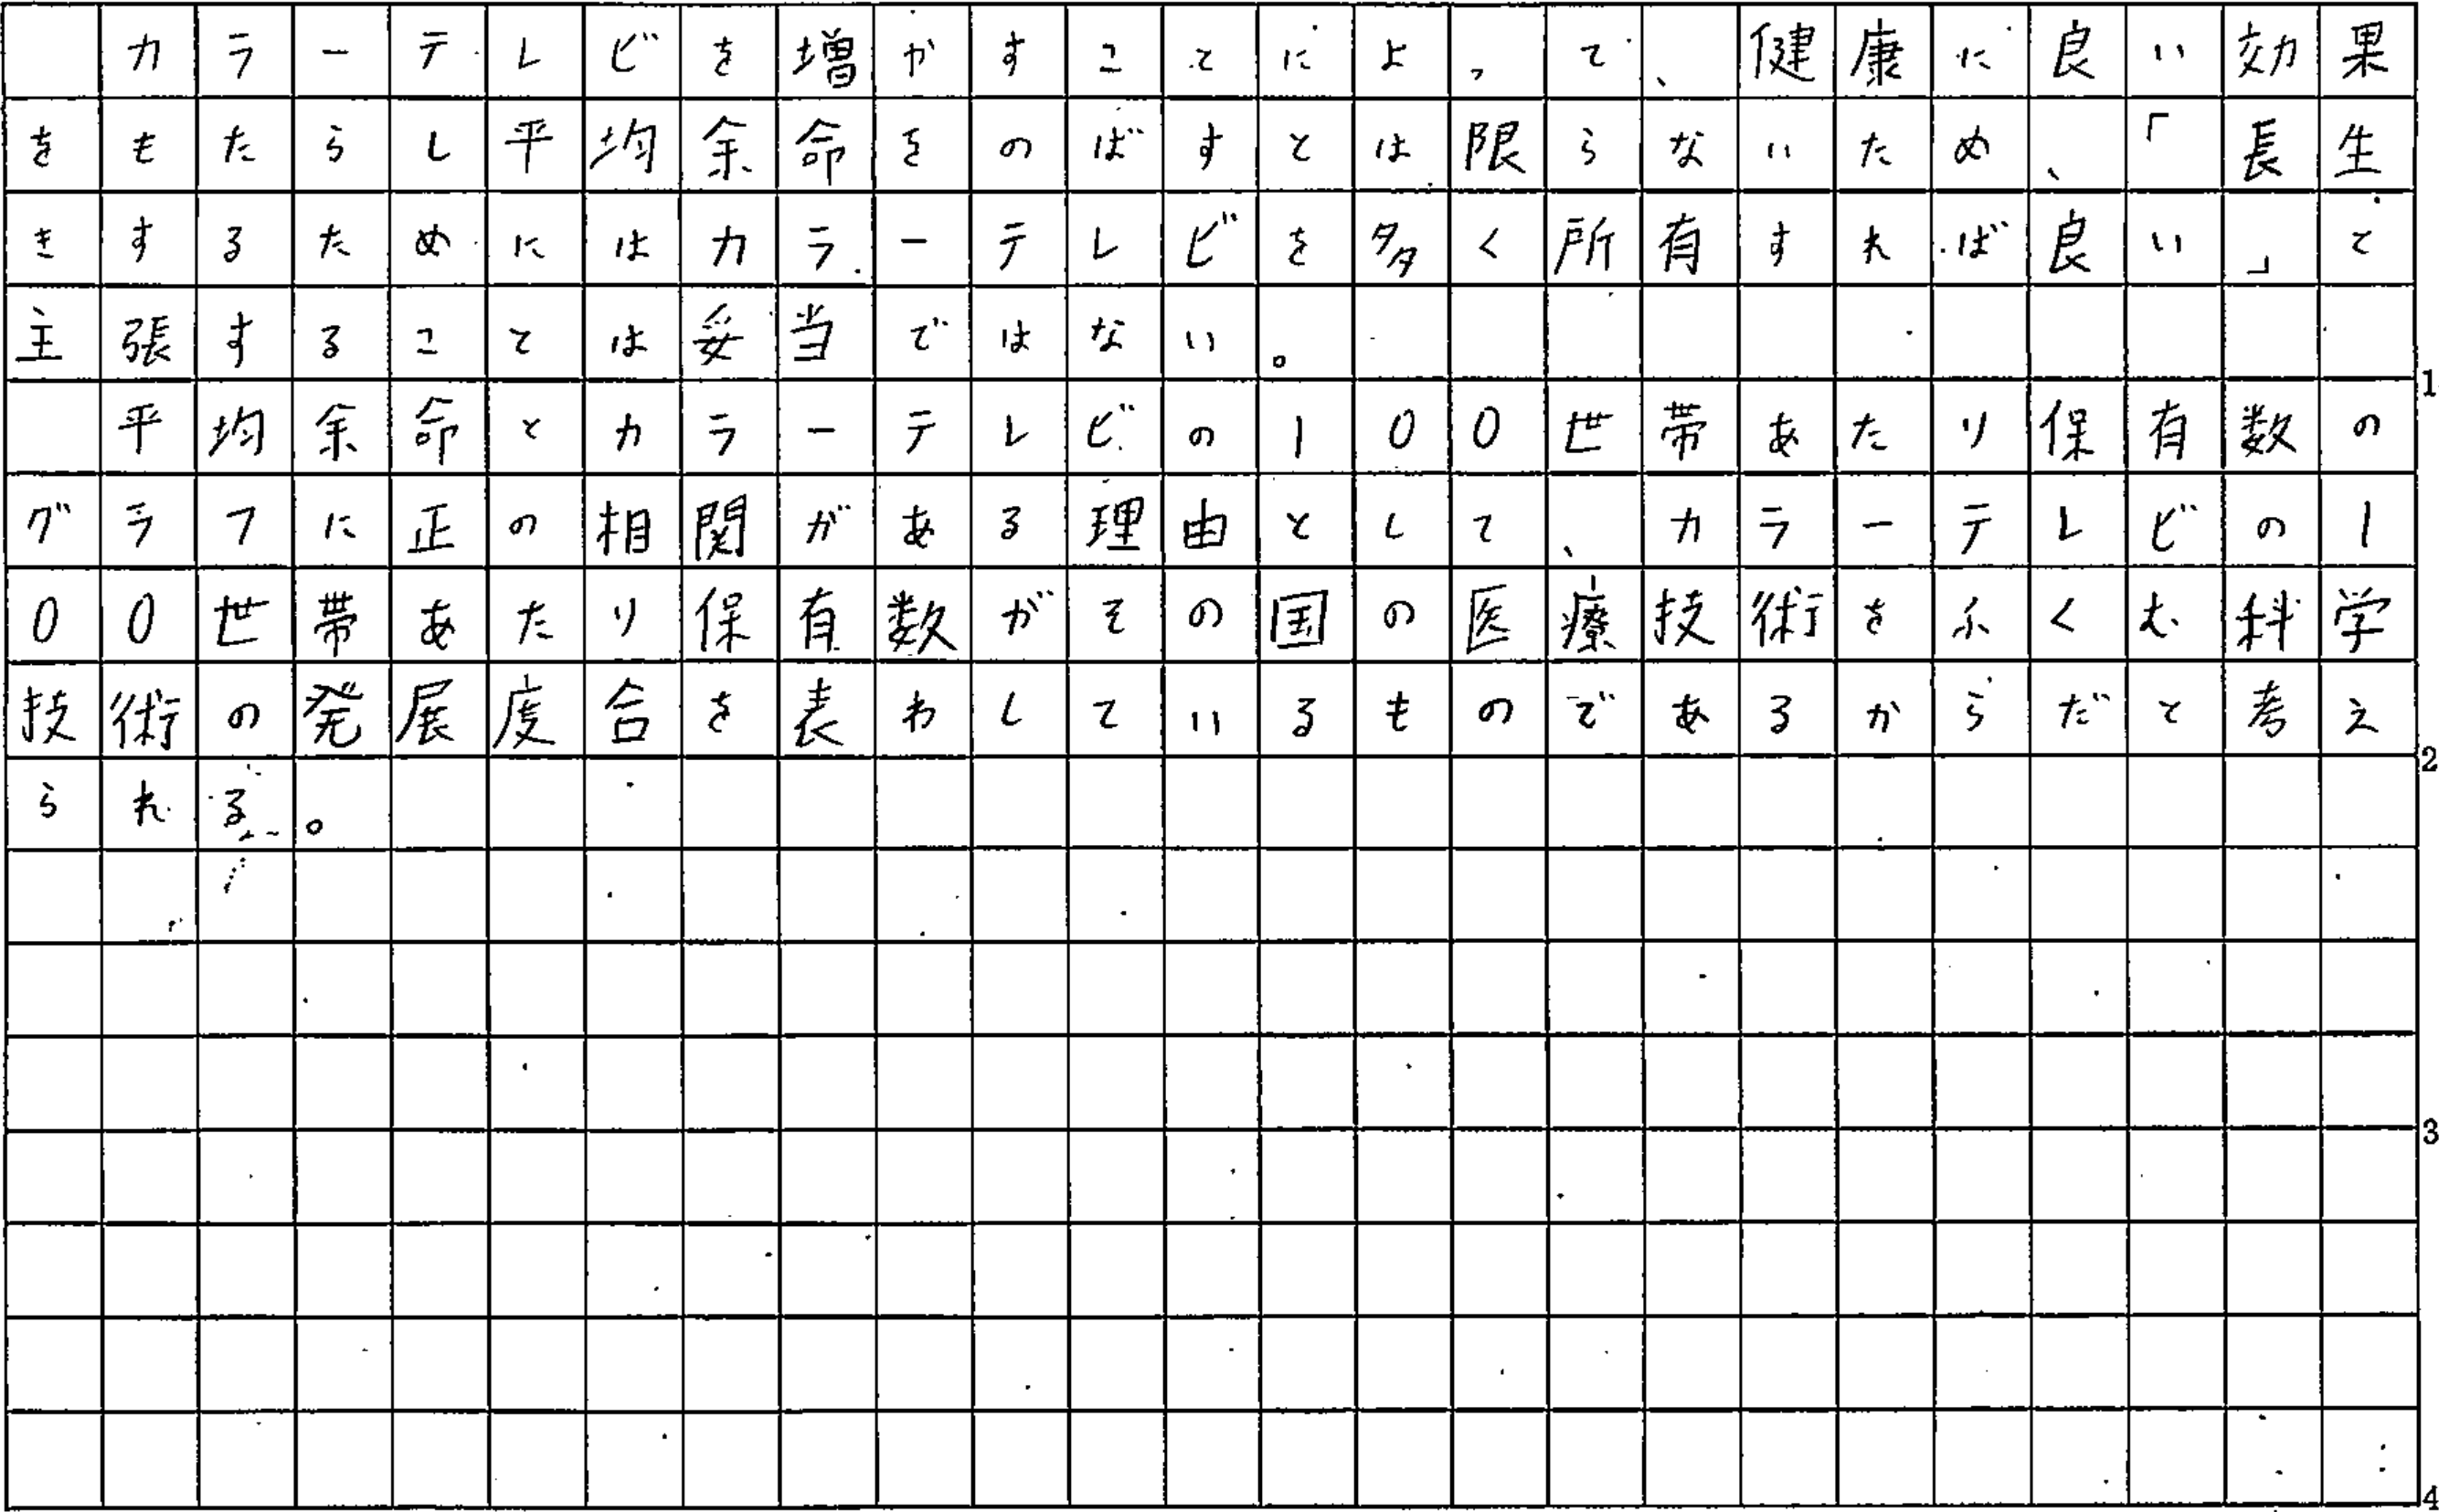　カラーテレビを増やすことによって、健康に良い効果をもたらし平均余命をのばすとは限らないため、「長生きするためにはカラーテレビを多く所有すれば良い」と主張することは妥当ではない。
　平均余命とカラーテレビの１００世帯あたり保有数のグラフに正の相関がある理由として、カラーテレビの１００世帯あたり保有数がその国の医療技術をふくむ科学技術の発展度合を表わしているものであるからだと考えられる。
